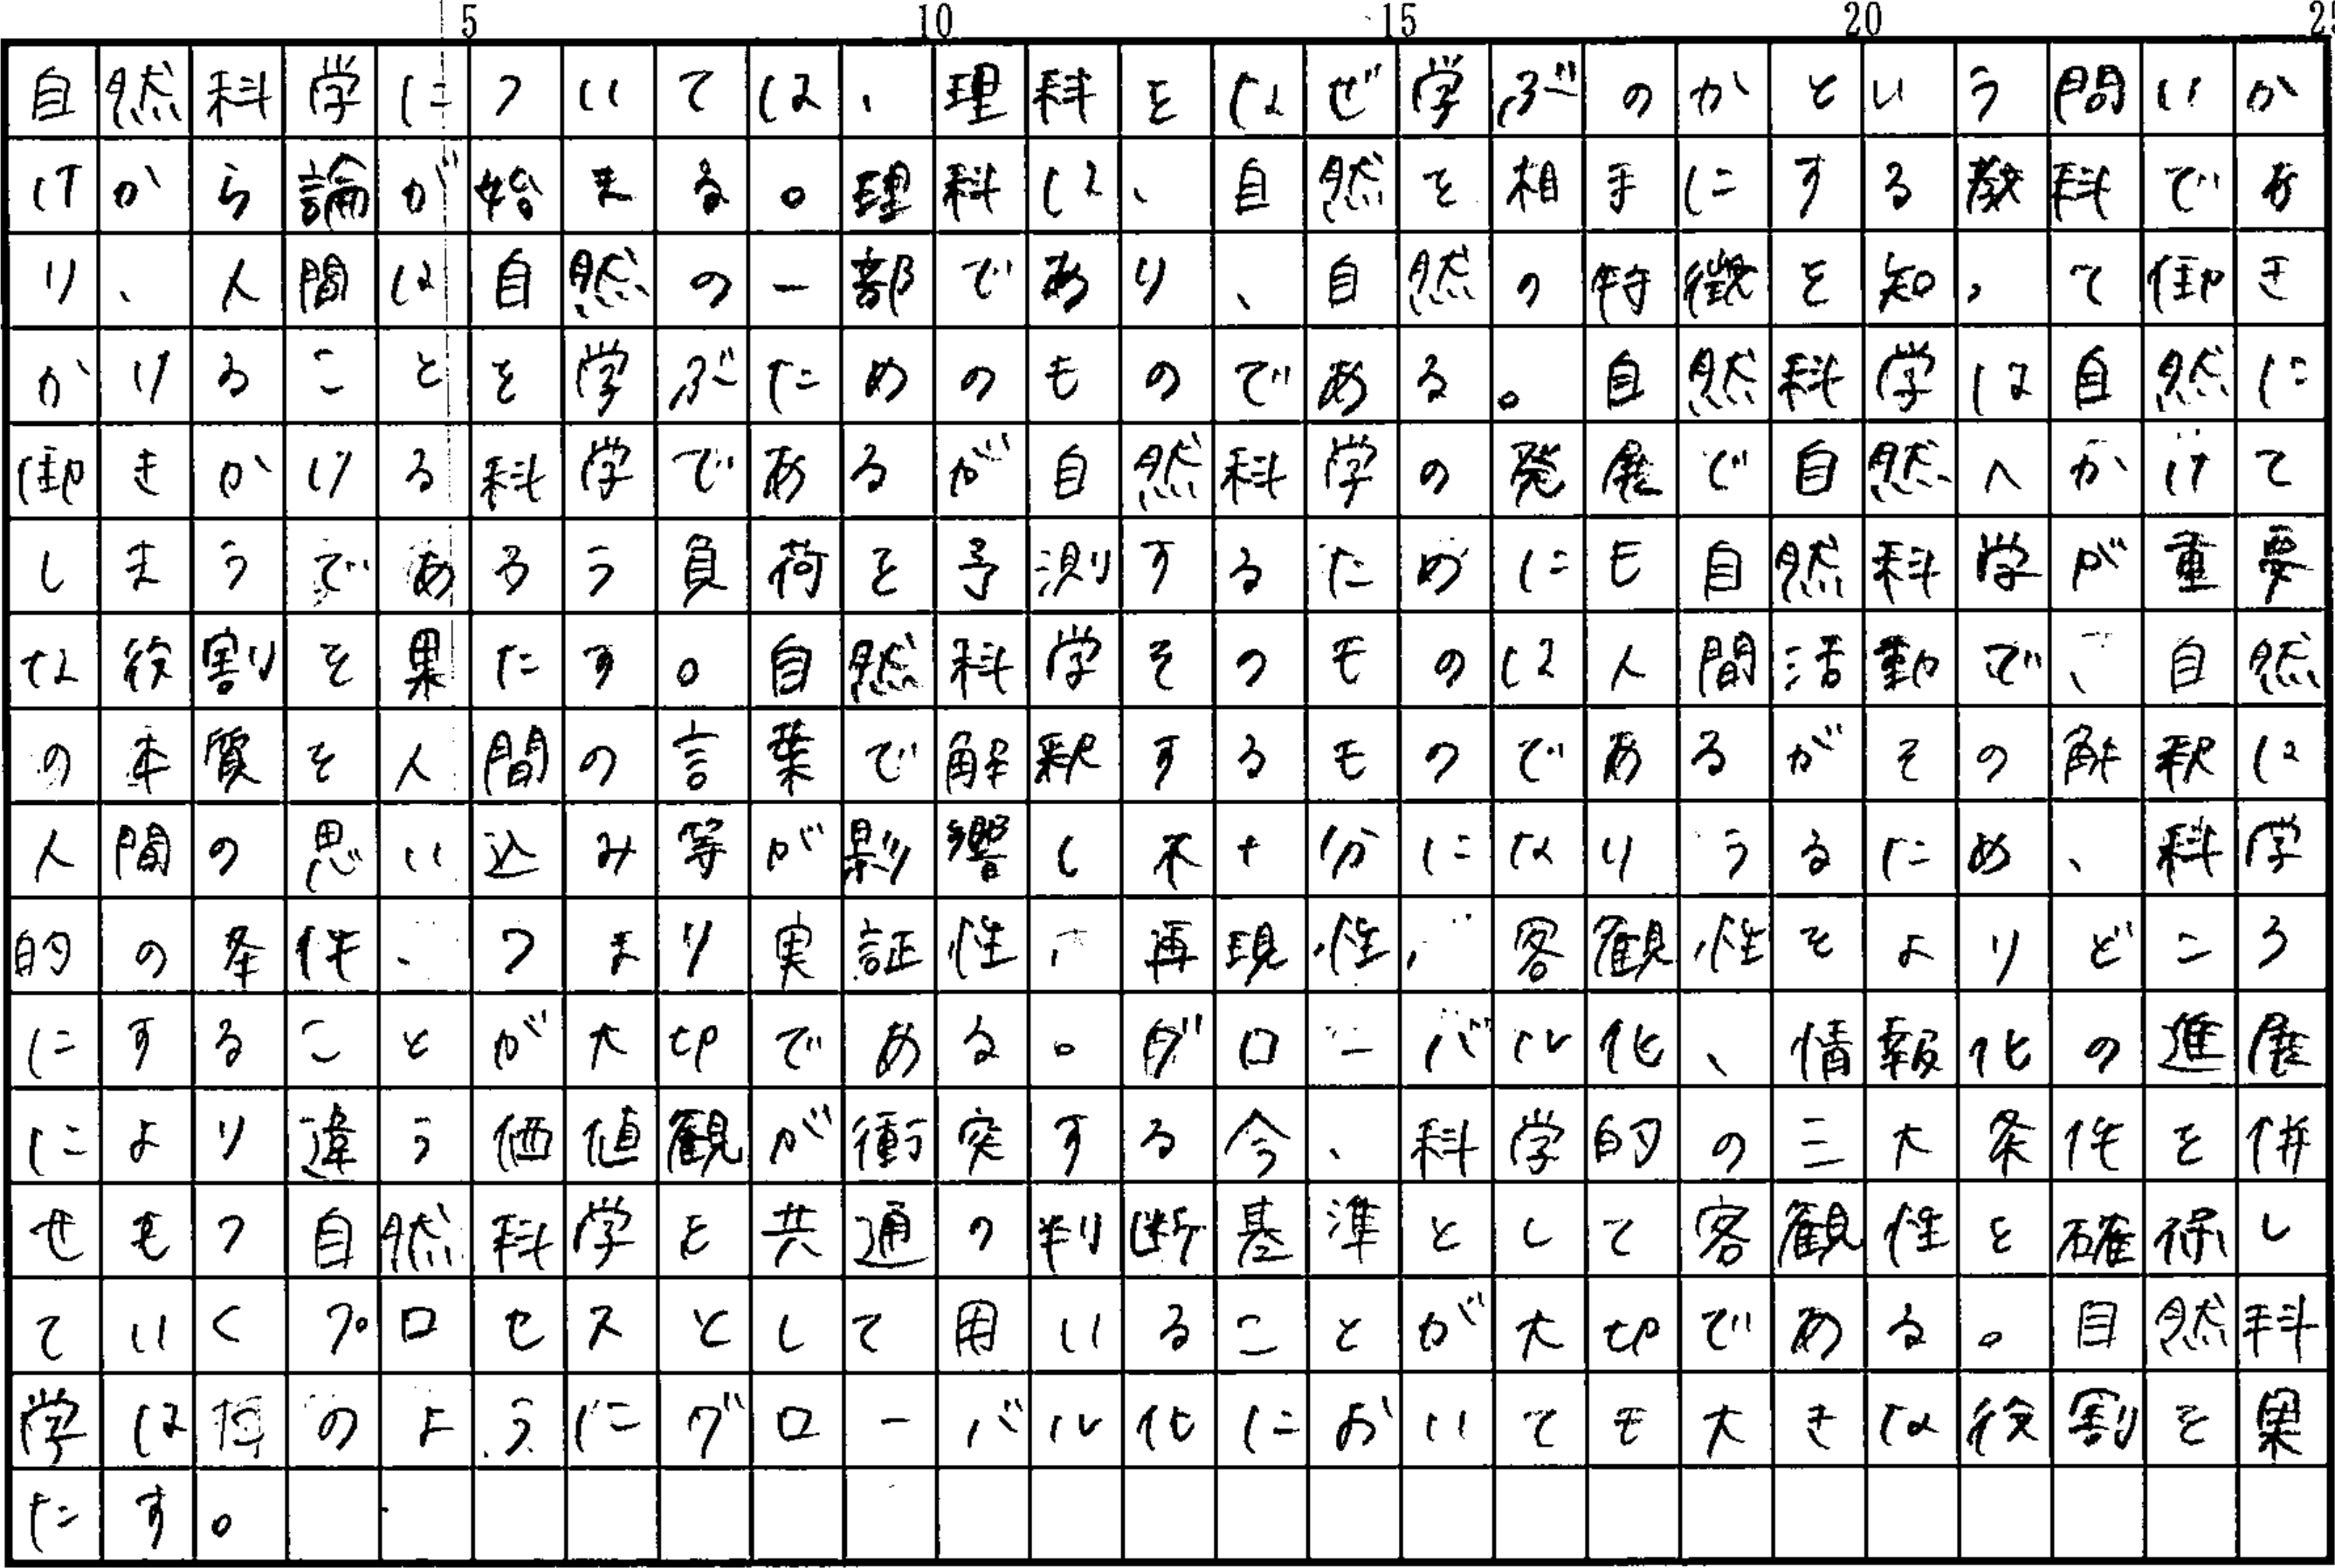自然科学については、理科をなぜ学ぶのかという問いかけから論が始まる。理科は、自然を相手にする教科であり、人間は自然の一部であり、自然の特徴を知って働きかけることを学ぶためのものである。自然科学は自然に働きかける科学であるが自然科学の発展で自然へかけてしまうであろう負荷を予測するためにも自然科学が重要な役割を果たす。自然科学そのものは人間活動で、自然の本質を人間の言葉で解釈するものであるがその解釈に人間の思い込み等が影響し不十分になりうるため、科学的の条件、つまり実証性、再現性、客観性をよりどころにすることが大切である。グローバル化、情報化の進展により違う価値観が衝突する今、科学的の三大条件を併せ持つ自然科学を共通の判断基準として客観性を確保していくプロセスとして用いることが大切である。自然科学はこのようにグローバル化においても大きな役割を果たす。
